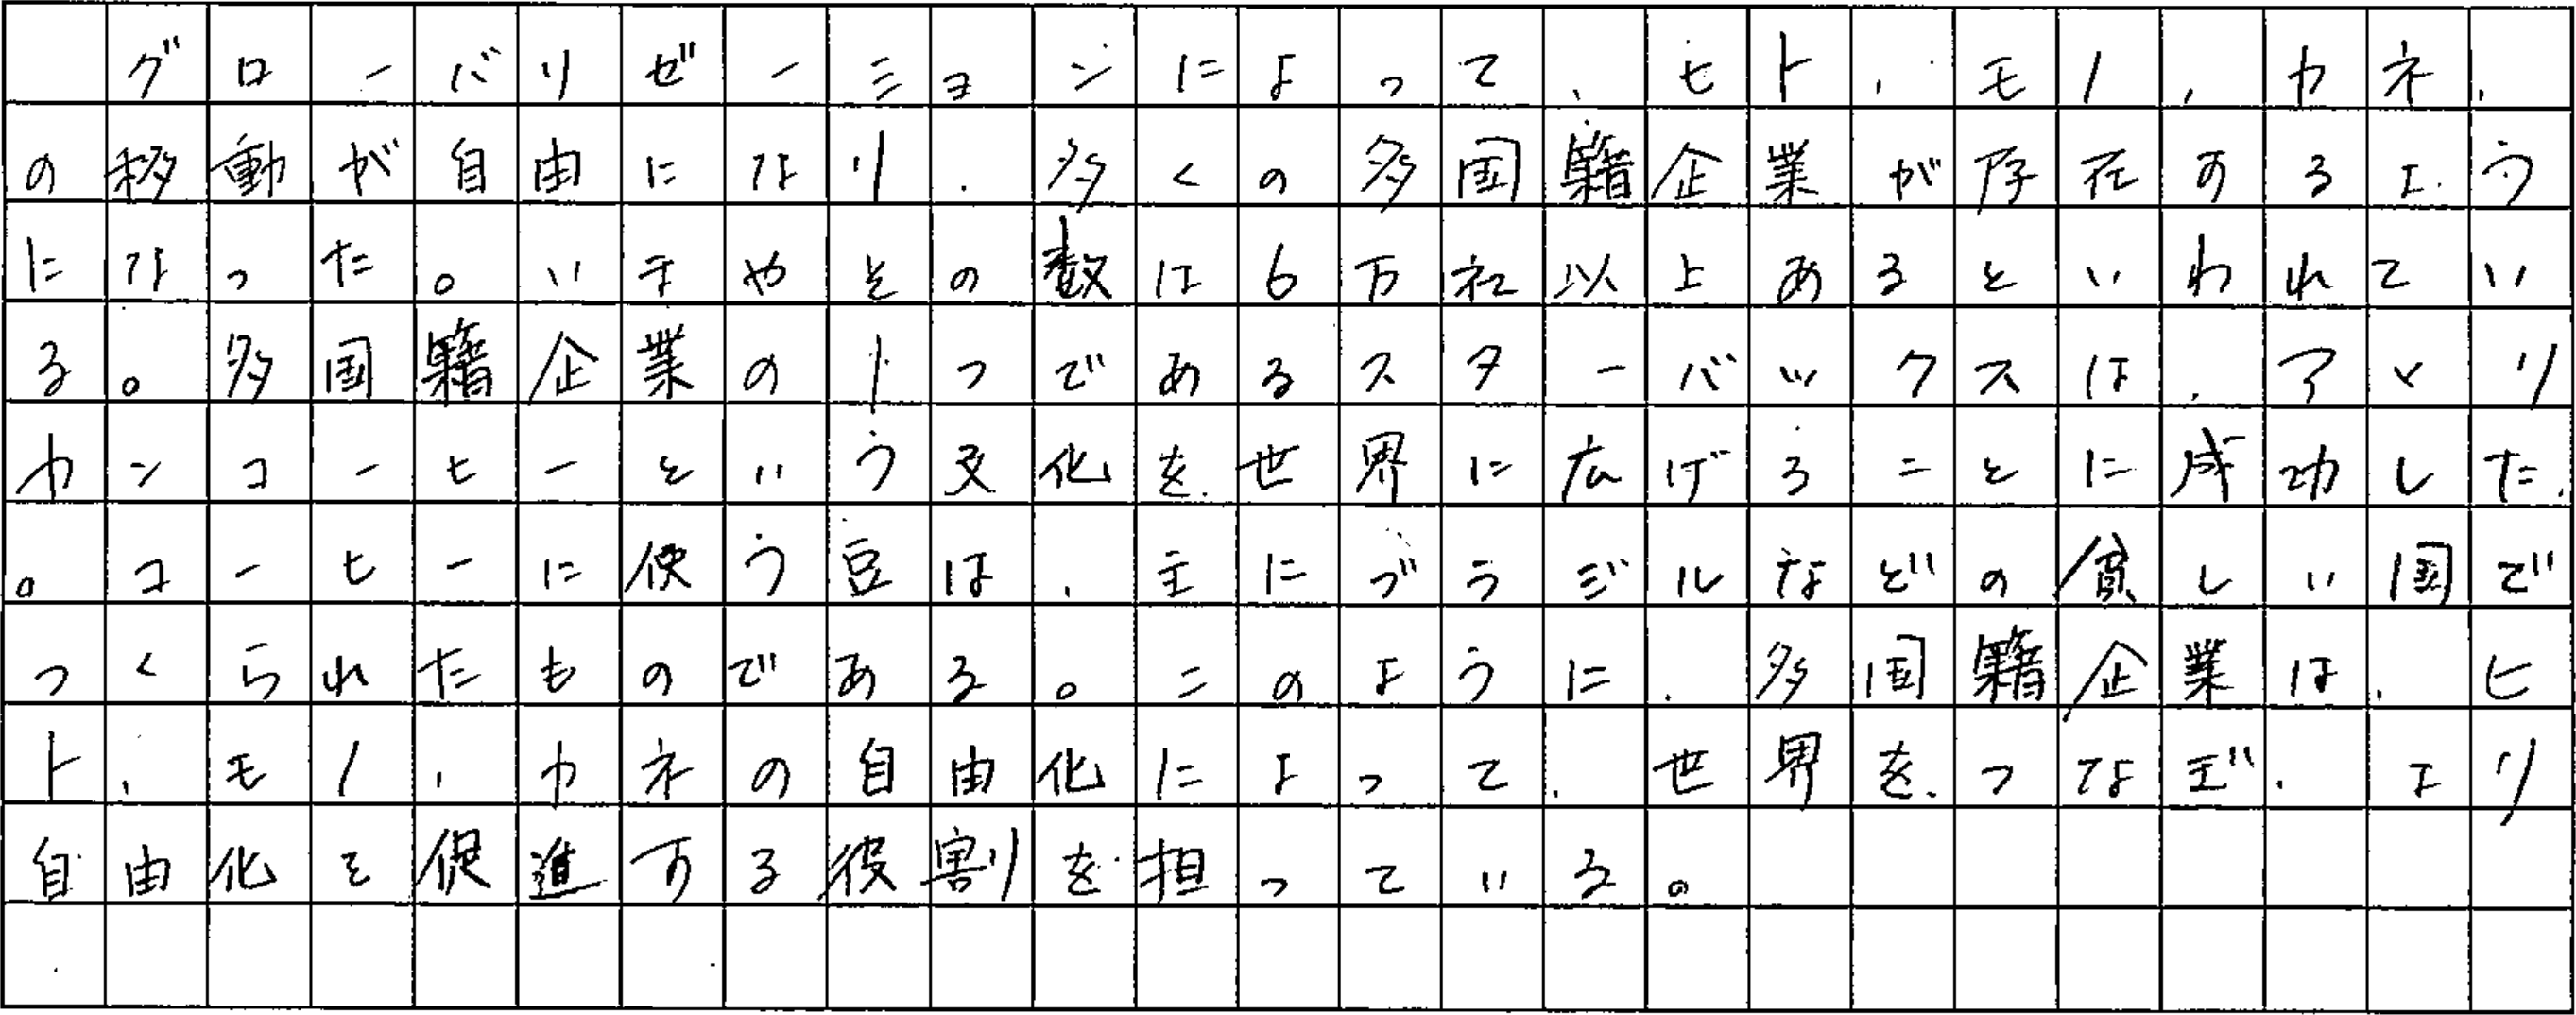　グローバリゼーションによって、ヒト、モノ、カネ、の移動が自由になり、多くの多国籍企業が存在するようになった。いまやその数は６万社以上あるといわれている。多国籍企業の１つであるスターバックスは、アメリカンコーヒーという文化を世界に広げることに成功した。コーヒーに使う豆は、主にブラジルなどの貧しい国でつくられたものである。このように、多国籍企業は、ヒト、モノ、カネの自由化によって、世界をつなぎ、より自由化を促進する役割を担っている。
